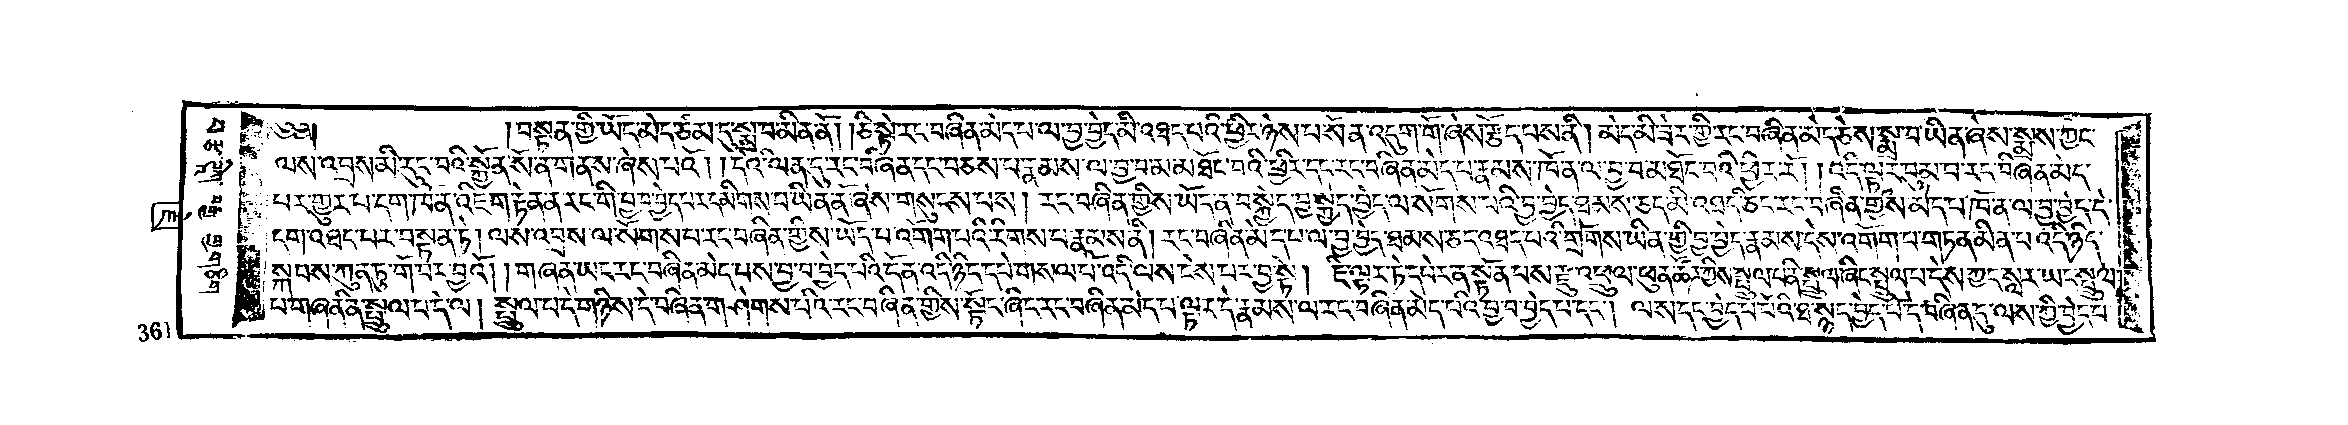༄༅། །བསྟན་གྱི་ཡོད་མེད་ཙམ་དུ་སྨྲ་བ་མིན་ནོ། །ཅི་སྟེ་རང་བཞིན་མེད་པ་ལ་བྱ་བྱེད་མི་འཐད་པའི་ཕྱིར་ཉེས་པ་སོན་འདུག་གོ་ཞེས་རྩོད་པས་ནི། མེད་མི་ཟེར་གྱི་རང་བཞིན་མེད་ཅེས་སྨྲ་བ་ཡིན་ཞེས་སྨྲས་ཀྱང་
ལས་འབྲས་མི་རུང་བའི་སྐྱོན་སོ་ན་གནས་ཞེས་པའོ། །དེའི་ལེན་དུ་རང་བཞིན་དང་བཅས་པ་རྣམས་ལ་བྱ་བ་མ་མཐོང་བའི་ཕྱིར་དང་རང་བཞིན་མེད་པ་རྣམས་ཁོ་ན་ལ་བྱ་བ་མཐོང་བའི་ཕྱིར་རོ། །འདི་ལྟར་བུམ་པ་རང་བཞིན་མེད་
པར་གྱུར་པ་དག་ཁོ་ན་འཇིག་རྟེན་ན་རང་གི་བྱ་བ་བྱེད་པར་དམིགས་པ་ཡིན་ནོ་ཞེས་གསུངས་པས། རང་བཞིན་གྱིས་ཡོད་ན་བསྐྱེད་བྱ་སྐྱེད་བྱེད་ལ་སོགས་པའི་བྱ་བྱེད་ཐམས་ཅད་མི་འཐད་ཅིང་རང་བཞིན་གྱིས་མེད་པ་ཁོ་ན་ལ་བྱ་བྱེད་དེ་
དག་འཐད་པར་བསྟན་ཏེ། ལས་འབྲས་ལ་སོགས་པ་རང་བཞིན་གྱིས་ཡོད་པ་འགོག་པའི་རིགས་པ་རྣམས་ནི། རང་བཞིན་མེད་པ་ལ་བྱ་བྱེད་ཐམས་ཅད་འཐད་པའི་གྲོགས་ཡིན་གྱི་བྱ་བྱེད་རྣམས་དེས་འགོག་པ་གཏན་མིན་པ་འདི་ཉིད་
སྐབས་ཀུན་ཏུ་གོ་བར་བྱའོ། །གཞན་ཡང་རང་བཞིན་མེད་པས་བྱ་བ་བྱེད་པའི་དོན་འདི་ཉིད་དཔེ་གསལ་པོ་འདི་ལས་ངེས་པར་བྱ་སྟེ། ཇི་ལྟར་ཏེ་དཔེར་ན་སྟོན་པས་རྫུ་འཕྲུལ་ཕུན་ཚོཌ་ཀྱིས་སྤྲུལ་པ་ནི་སྤྲུལ་ཞིང་སྤྲུལ་པ་དེས་ཀྱང་སླར་ཡང་སྤྲུལ་
པ་གཞན་ནི་སྤྲུལ་པ་དེ་ལ། སྤྲུལ་པ་དེ་གཉིས་དེ་བཞིན་གཤེགས་པའི་རང་བཞིན་གྱིས་སྟོང་ཞིང་རང་བཞིན་མེད་པ་ལྟར་དེ་རྣམས་ལ་རང་བཞིན་མེད་པའི་བྱ་བ་བྱེད་པ་དང་། ལས་དང་བྱེད་པ་པོའི་ཐ་སྙད་བྱེད་པ་དེ་བཞིན་དུ་ལས་ཀྱི་བྱེད་པ་